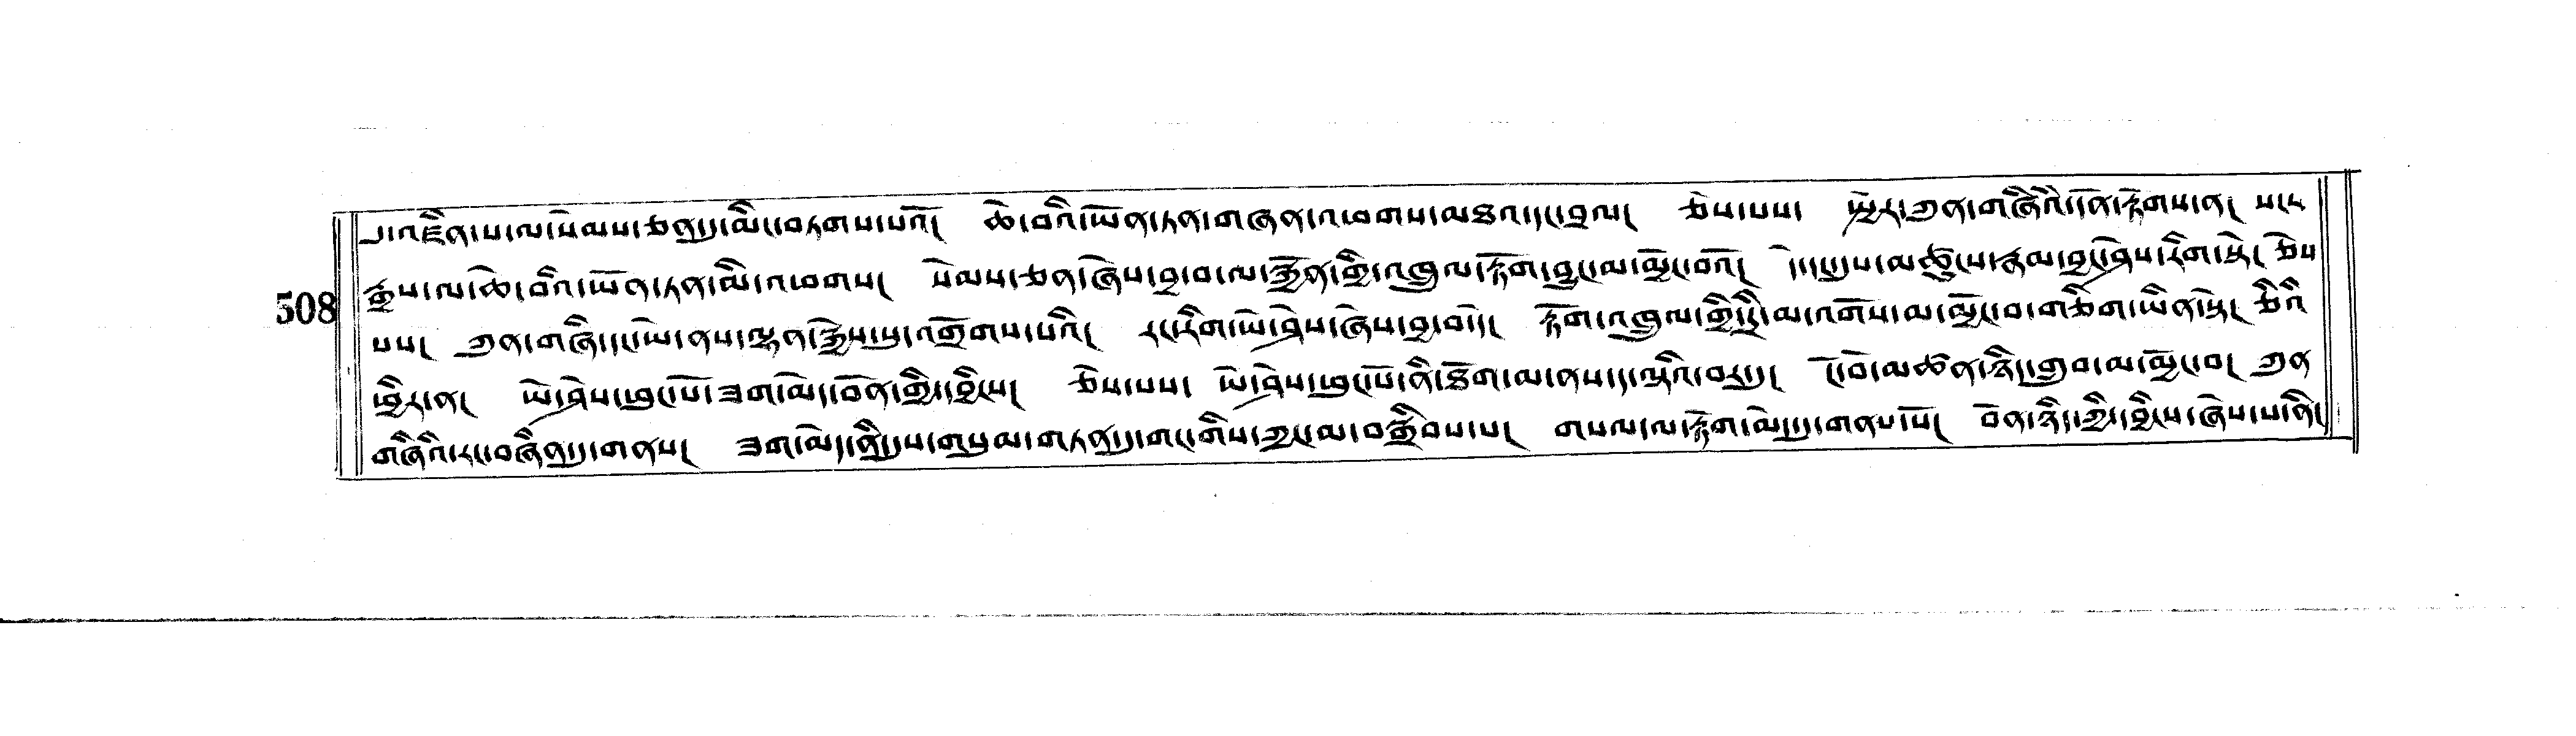དུ་འཛིན་པ་ལ་སེམས་ཅན་དུ་མིང་བཏགས་པའོ། ཆེ་བའི་ཡོན་ཏན་གཞན་འཕགས་མཐའ་དང་བྲལ། ཅེས་པས། སྤྱིར་ཀུན་གཞིའི་དོན་རྟོགས་ན། སངས་
རྒྱས་ལ་ཆེ་བའི་ཡོན་ཏན་མི་འཕགས། སེམས་ཅན་ཞེས་བྱ་བ་ལ་སྐྱོན་གྱི་འཁྲུལ་རྟོག་བྱུང་མ་མྱོང་བའོ། དེ་དང་དུས་མཚུངས་རྣམ་བྱང་ཤེས་རིག་སྟེ། ཅེས་
པས། ཀུན་གཞི་དང་ཡེ་ནས་ལྷན་སྐྱེས་སུ་འགྲོགས་པའི། རང་རིག་ཡེ་ཤེས་ཞེས་བྱ་བ་དེ། རྟོག་འཁྲུལ་གྱི་དྲི་མ་འགོས་མ་མྱོང་བ་ཞིག་ཡིན་ཏེ། ཅིའི་
ཕྱིར་ན། ཡེ་ཤེས་ཕུང་པོ་ཟག་མེད་བོན་གྱི་དབྱིངས། ཅེས་པས། ཡེ་ཤེས་ཕུང་པོ་ནི་ཐོག་མ་ནས་ད་ལྟའི་བར་དུ། ངོ་བོ་མཚན་ཉིད་གྲུབ་མ་མྱོང་བ། ཀུན་
གཞིའི་རང་བཞིན་དུ་གནས། ཟག་མེད་ནི་དུས་གསུམ་གཏན་དུ་གང་གིས་ཀྱང་མ་བསྒྲིབས་པ། གསལ་ལ་རྟོག་མེད་དུ་གནས་སོ། བོན་ཉིད་ཀྱི་དབྱིངས་ཞེས་པ་ནི།